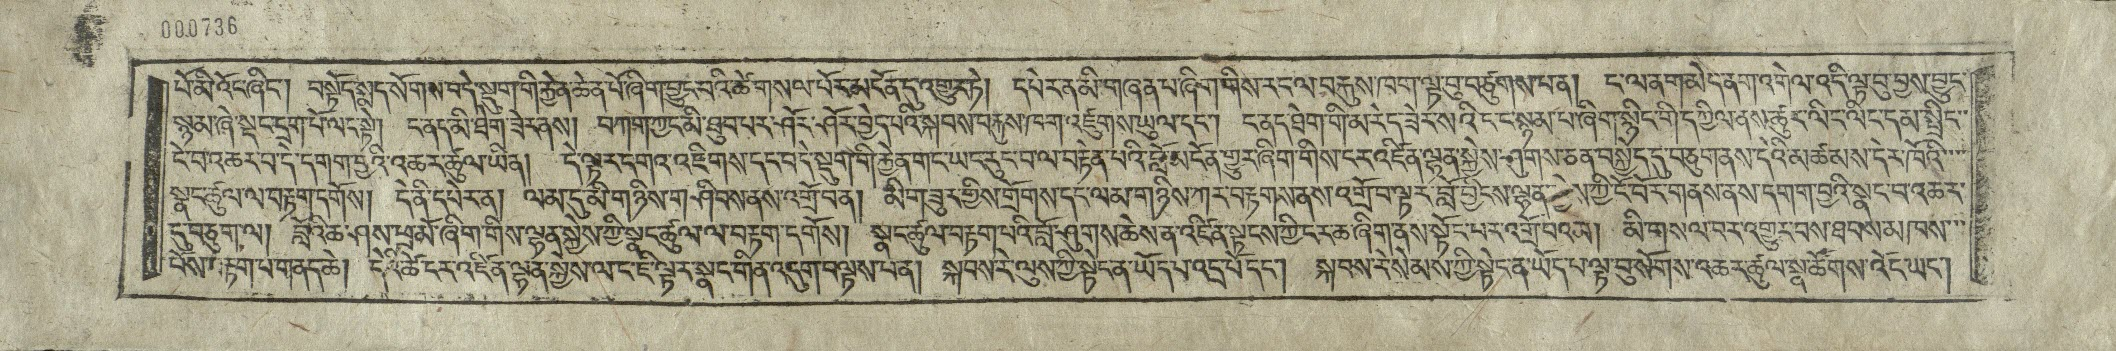པོ་མི་འོང་ཞིང་། བསྟོད་སྨད་སོགས་བདེ་སྡུག་གི་རྐྱེན་ཆེན་པོ་ཞིག་བྱུང་བའི་ཚེ་གསལ་པོར་མངོན་དུ་འགྱུར་ཏེ། དཔེར་ན་མི་གཞན་པ་ཞིག་གིས་རང་ལ་བརྐུས་ཁག་ལྟ་བུ་བཙུགས་པ་ན། ང་ལ་ནག་མེད་ནག་འགེལ་འདི་ལྟ་བུ་བྱས་བྱུང་
སྙམ་ཞེ་སྡང་དྲག་པོ་ལང་སྟེ། ང་ནད་མི་ཐེག་ཟེར་ནས། བཀག་ཀྱང་མི་ཐུབ་པར་ཤོར་ཤོར་བྱེད་པའི་སྐབས་བརྐུས་ཁག་འཛུགས་ཡུལ་དང་། ང་ནད་ཐེག་གི་མ་རེད་ཟེར་སའིང་ང་སྙམ་པ་ཞིག་སྙིང་གི་དཀྱིལ་ནས་ཚུར་ལིང་ལིང་དམ་སྤྲིང་
ངེ་བ་འཆར་བ་དེ་དགག་བྱའི་འཆར་ཚུལ་ཡིན། དེ་ལྟར་དགའ་འཇིགས་དང་བདེ་སྡུག་གི་རྐྱེན་གང་ཡང་རུང་བལ་བརྟེན་པའི་བློ་མངོན་གྱུར་ཞིག་གིས་ངར་འཛིན་ལྷན་སྐྱེས་ཤུགས་ཅན་བསྐྱེད་དུ་བཅུག་ནས་དེའི་མཚམས་དེར་ཁོའི་
སྣང་ཚུལ་ལ་བརྟག་དགོས། དེ་ནི་དཔེར་ན། ལམ་དུ་མི་གཉིས་གཤིབས་ནས་འགྲོ་བ་ན། མིག་ཟུར་གྱིས་གྲོགས་དང་ལམ་གཉིས་ཀར་བརྟགས་ནས་འགྲོ་བ་ལྟར་བློ་བྱིངས་ལྷན་སྐྱེས་ཀྱི་ངོ་བོར་གནས་ནས་དགག་བྱའི་སྣང་བ་འཆར་
དུ་བཅུག་ལ། བློའི་ཆ་ཤས་ཕྲ་མོ་ཞིག་གིས་ལྷན་སྐྱེས་ཀྱི་སྣང་ཚུལ་ལ་བརྟག་དགོས། སྣང་ཚུལ་བརྟག་པའི་བློ་ཤུགས་ཆེས་ན་འཛིན་སྟངས་ཀྱི་ངར་ཆ་ཞིག་ནས་སྟོང་པར་འགྲོ་བའམ། མི་གསལ་བར་འགྱུར་བས་ཐབས་མཁས་
པོས་བརྟག་པ་གནད་ཆེ། དེའི་ཚེ་ངར་འཛིན་ལྷན་སྐྱེས་ལ་ང་ཇི་ལྟར་སྣང་གིན་འདུག་བལྟས་པ་ན། སྐབས་རེ་ལུས་ཀྱི་སྟེང་ན་ཡོད་པ་འདྲ་པོ་དང་། སྐབས་རེ་སེམས་ཀྱི་སྟེང་ན་ཡོད་པ་ལྟ་བུ་སོགས་འཆར་ཚུལ་སྣ་ཚོགས་འོང་ཡང་།